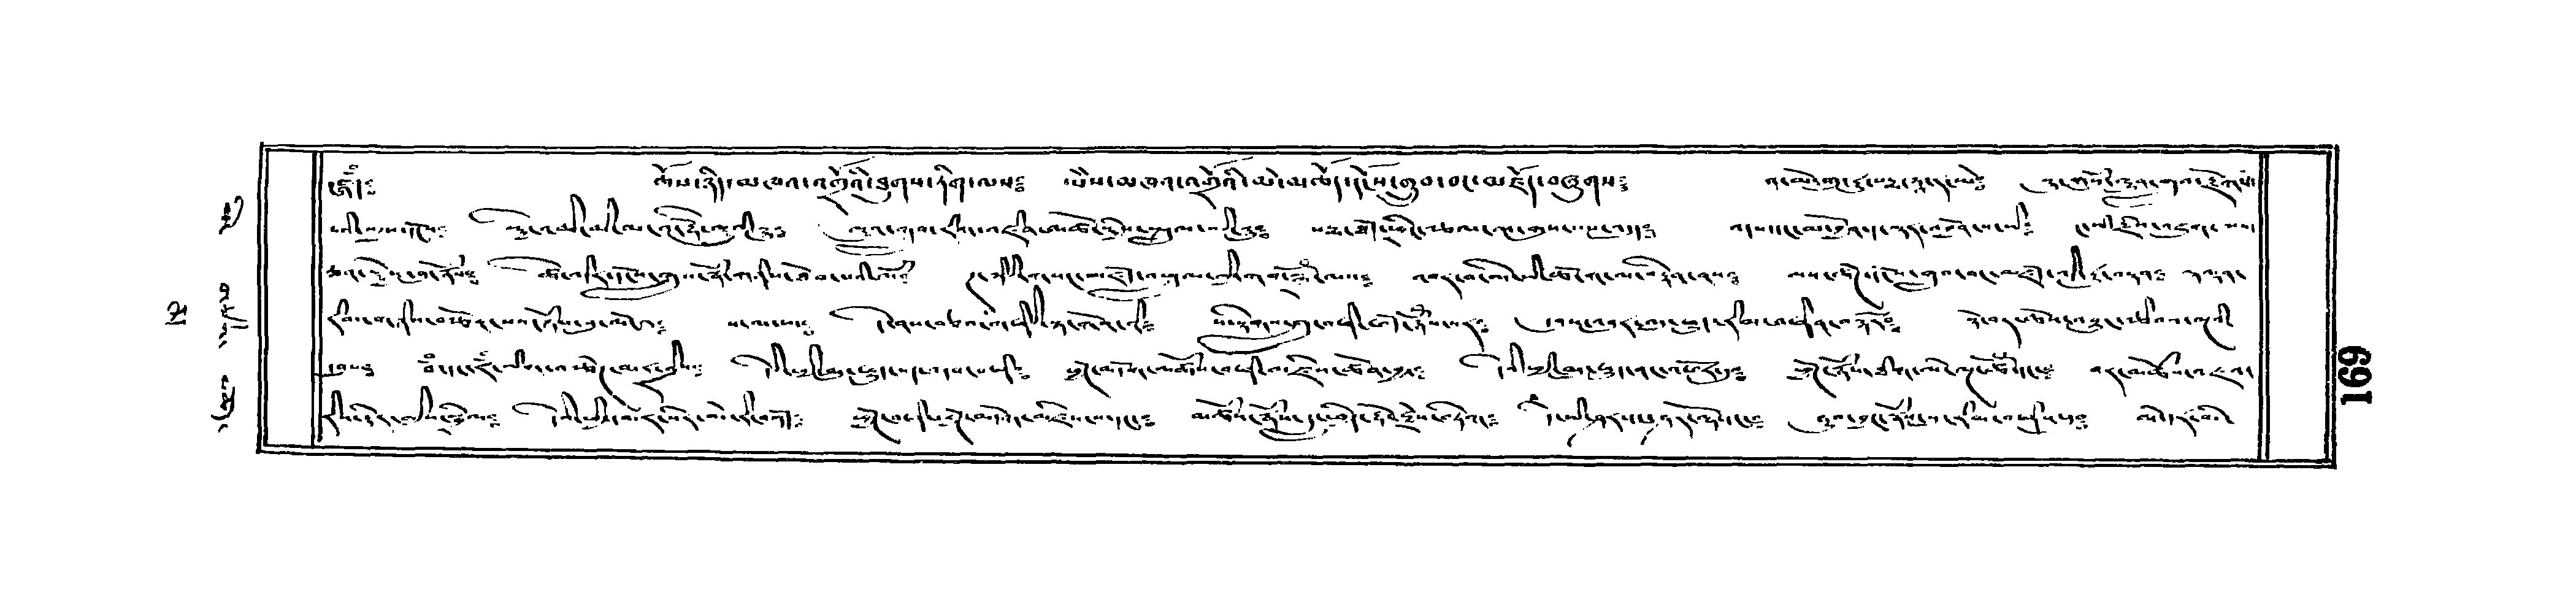ཆོས་ཉིད་མཁའ་འགྲོའི་ཐུགས་ཏིག་ལས༔ ཡེ་ཤེས་མཁའ་འགྲོའི་མེ་མཆོད་དངོས་གྲུབ་བང་མཛོད་བཞུགས༔ ན་མོ་གུ་རུ་པདྨ་ཀཱ་ར་ཡེ༔ སྐུ་གསུམ་ལྷུན་གྲུབ་རྫོགས་
པའི་སངས་རྒྱས་དངོས༔ སྐྱེ་འཆི་མི་མངའ་རྡོ་རྗེ་ལྟ་བུའི་སྐུ༔ ལྷུན་གྲུབ་རིག་འཛིན་མཚོ་སྐྱེས་སྤྲུལ་པའི་སྐུ༔ པདྨ་ཐོད་ཕྲེང་རྩལ་ལ་གུས་པས་འདུད༔ འདས་དང་མ་བྱོན་ད་ལྟར་འབྱོན་པ་ཡི༔ ང་ཡིས་རྗེས་འཇུག་ལས་
ཅན་སྐྱེས་བུ་རྣམས༔ ཚེ་འདིར་དངོས་གྲུབ་རྣམ་གཉིས་ཐོབ་པའི་ལམ༔ ཌཱ་ཀིའི་གསང་མཛོད་འཕྲུལ་གྱི་གབ་སྒྲོམ་ལས༔ འབར་བ་མེ་ཡི་ཆོ་ག་ལ་བརྟེན་ནས༔ ལས་ཚོགས་དངོས་གྲུབ་བང་མཛོད་འདི་རུ་བསྟན༔ སྐལ་ལྡན་
རིམ་གཉིས་བརྩོན་པས་ཉམས་སུ་ལོངས༔ ས་མ་ཡ༔ དེ་ནས་བཅའ་གཞིའི་སྟ་གོན་ནི༔ ས་སྟེགས་གྲུ་བཞི་ཁོད་སྙོམས་པར༔ དབུས་འབུར་མུ་ཁྱུད་རིམ་བཞིན་བསྐོར༔ ལྟེ་བར་ཆོས་འབྱུང་རྩིབས་ལྔའི་
དབུས༔ བྃ་དང་རྃ་ཡིག་བརྩེགས་མར་བྲིས༔ དེའི་ཕྱི་མུ་ཁྱུད་པད་འདབ་བཞི༔ ཕྱོག་མདོག་མཚམས་བཞི་མཛེས་ཚོན་བྱ༔ དེའི་ཕྱི་མུ་ཁྱུད་ནང་འཁོར་དུ༔ ཕྱོགས་རྣམས་ཐིག་ལེ་ལྔ་ཚོམ་དང༔ བར་མཚམས་འཇའ་
རིས་ཟེར་གྱིས་སྦྲེལ༔ དེའི་ཕྱི་དམར་སེར་མེ་རི་བཀོད༔ ཕྱོགས་བཞི་ཕྱོགས་མདོག་མཛེས་པ་དང༔ མཚམས་རྣམས་ཟླ་ཕྱེད་རྡོ་རྗེས་བཏེག༔ དེ་ཡི་ཤར་དང་བཤར་ལྷོ་དང༔ ནུབ་བྱང་རྣམས་སུ་རིམ་བཞིན་དུ༔ མེ་དར་མེ་